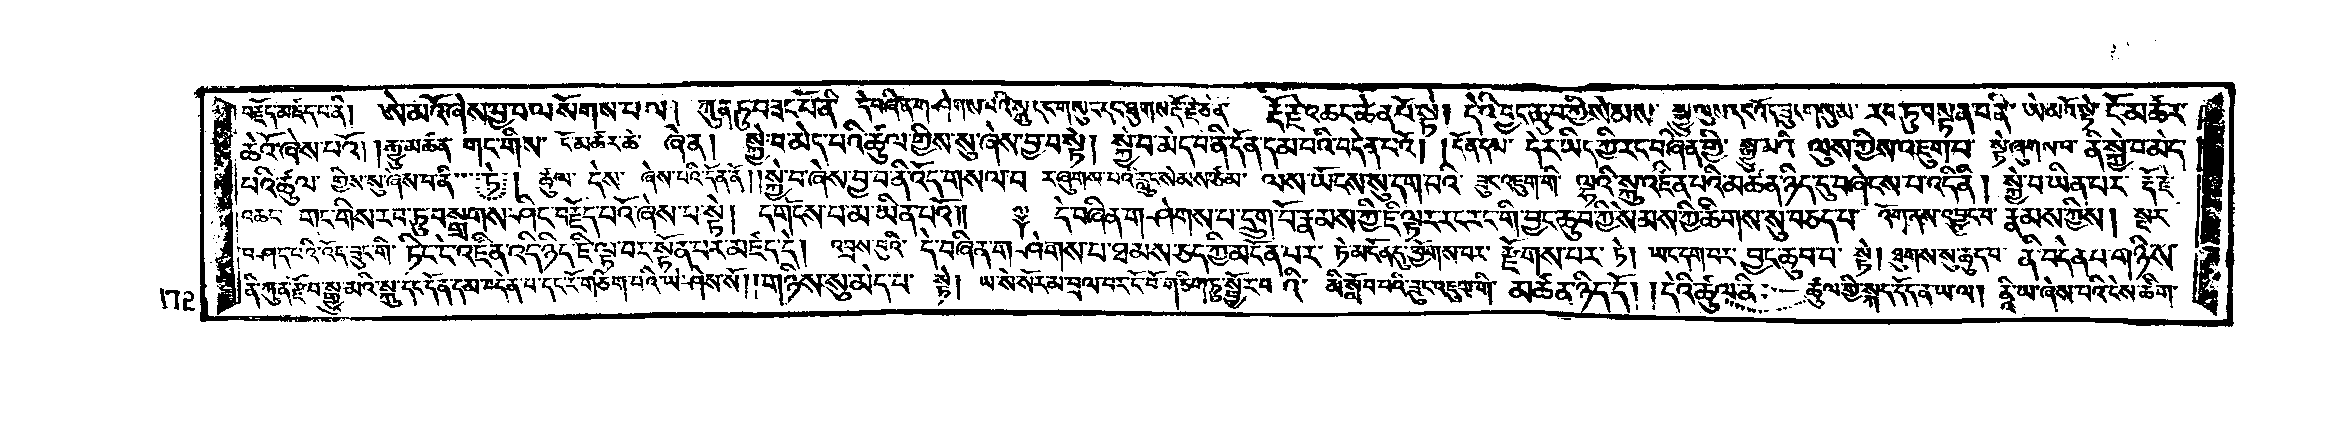བརྗོད་མཛད་པ་ནི། ཨེ་མའོ་ཞེས་བྱ་བ་ལ་སོགས་པ་ལ། ཀུན་ཏུ་བཟང་པོ་ནི་དེ་བཞིན་གཤེགས་པའི་སྐུ་དང་གསུང་དང་ཐུགས་རྡོ་རྗེ་ཅན་རྡོ་རྗེ་འཆང་ཆེན་པོ་སྟེ། དེའི་བྱང་ཆུབ་ཀྱི་སེམས་སྒྱུ་ལུས་དང་འོད་ཟུང་གསུམ་རབ་ཏུ་བསྟན་པ་ནི་ཨེ་མའོ་སྟེ་ངོ་མཚར་
ཆེའོ་ཞེས་པའོ། ། རྒྱུ་མཚན་གང་གིས་ངོ་མཚར་ཆེ་ཞེ་ན། སྐྱེ་བ་མེད་པའི་ཚུལ་གྱིས་སུ་ཞེས་བྱ་བ་སྟེ། སྐྱེ་བ་མེད་པ་ནི་དོན་དམ་པའི་བདེན་པའོ། ། དོན་དམ་དེར་ཡིད་ཀྱི་རང་བཞིན་གྱི་སྒྱུ་མའི་ལུས་ཀྱིས་འཇུག་པ་སྟེ་ཞུགས་པ་ནི་སྐྱེ་བ་མེད་
པའི་ཚུལ་གྱིས་སུ་ཞེས་པ་ནི་ཏེ། ཚུལ་དེས་ཞེས་པའི་དོན་ནོ། །སྐྱེ་བ་ཞེས་བྱ་བ་ནི་འོད་གསལ་བར་ཞུགས་པའི་རླུང་སེམས་ཙམ་ལས་ཡོངས་སུ་དག་པའི་ཟུང་འཇུག་གི་ལྷའི་སྐུ་འཛིན་པའི་མཚན་ཉིད་དུ་བཞེངས་པ་འདི་ནི། སྐྱེ་བ་ཡིན་པར་རྡོ་རྗེ་
འཆང་གང་གིས་རབ་ཏུ་བསྒྲགས་ཤིང་བརྗོད་པའོ་ཞེས་པ་སྟེ། དགོངས་པ་མ་ཡིན་པའོ།། ༈ དེ་བཞིན་གཤེགས་པ་དྲུག་པོ་རྣམས་ཀྱི་ཇི་ལྟར་རང་རང་གི་བྱང་ཆུབ་ཀྱི་སེམས་ཀྱི་ཚིགས་སུ་བཅད་པ་འོག་ནས་འབྱུང་བ་རྣམས་ཀྱིས། སྔར་
བཤད་པའི་འོད་ཟུང་གི་ཏིང་ངེ་འཛིན་འདི་ཉིད་ཇི་ལྟ་བར་སྟོན་པར་མཛད་དེ། འབྲས་བུའི་དེ་བཞིན་གཤེགས་པ་ཐམས་ཅད་ཀྱི་མངོན་པར་ཏེ་མངོན་དུ་ཕྱོགས་པར་རྫོགས་པར་ཏེ། ཡང་དག་པར་བྱང་ཆུབ་པ་སྟེ། ཐུགས་སུ་ཆུད་པ་ནི་བདེན་པ་གཉིས་
ནི་ཀུན་རྫོབ་སྒྱུ་མའི་སྐུ་དང་དོན་དམ་བདེན་པ་དང་རོ་གཅིག་པའི་ཡེ་ཤེས་སོ། །གཉིས་སུ་མེད་པ་སྟེ། ཡ་སོ་སོར་མ་བྲལ་བར་ངོ་བོ་གཅིག་ཏུ་སྦྱོར་བའི་མི་སློབ་པའི་ཟུང་འཇུག་གི་མཚན་ཉིད་དོ། །དེའི་ཚུལ་ནི་H.་ཚུལ་གྱི་སྐད་དོད་ན་ཡ་ལ། ནཱི་ཡ་ཞེས་པའི་ངེས་ཚིག་